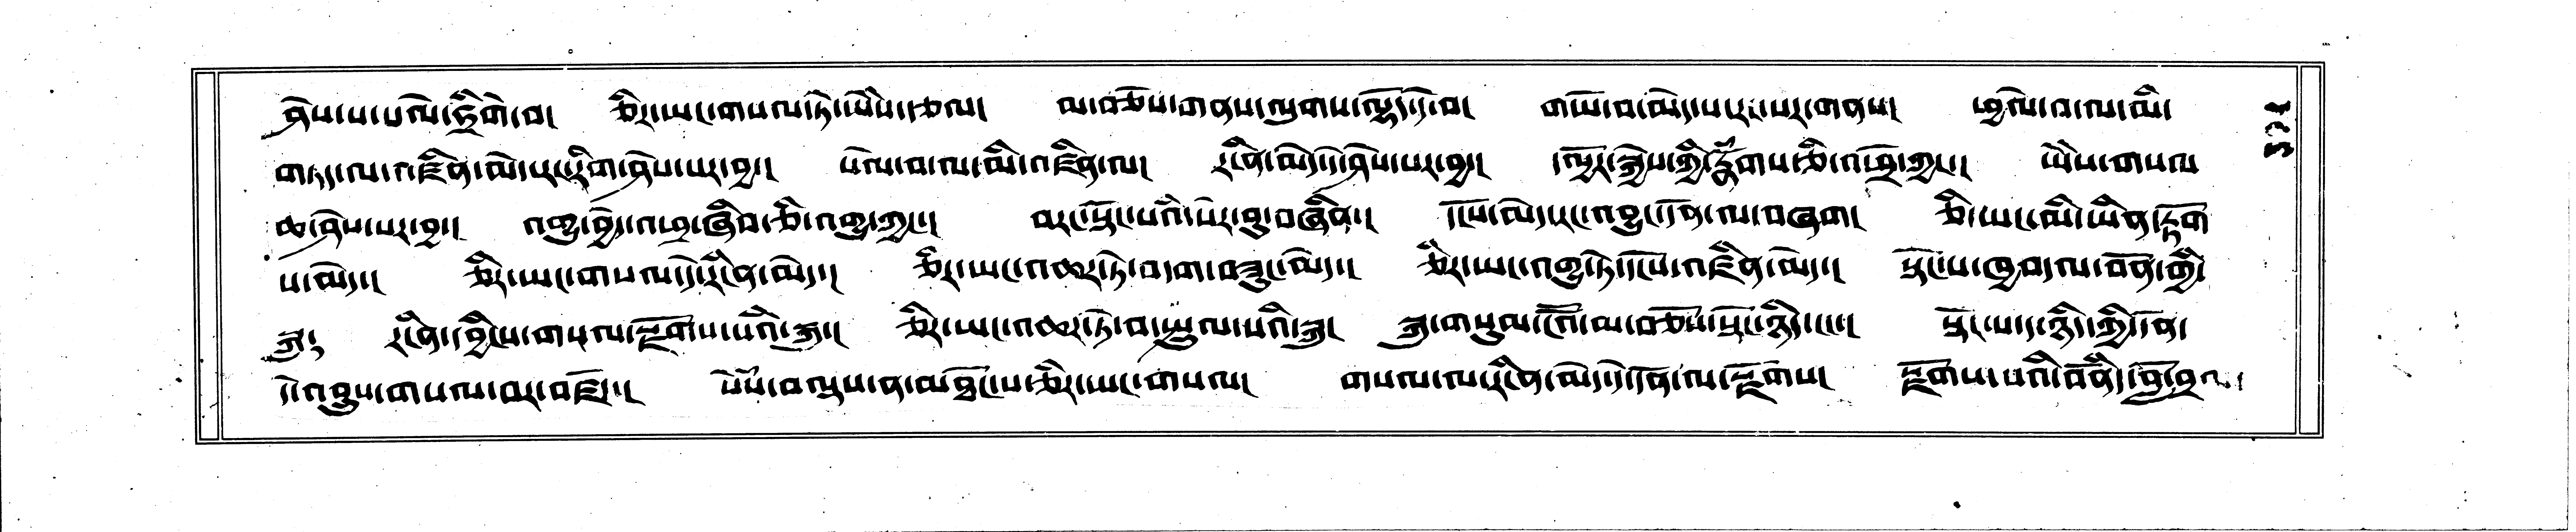ཤེས་པ་སལེ་ཧྲིག་གེ་བ། ཅིར་ཡང་གསལ་ཏེ་ཡེ་ཤེས་རྩལ། མ་བཅོས་གནས་ལུགས་ལྷོད་དེ་བ། གཡོ་བ་མེད་དེ་རང་སར་གནས། ཕྱ་ལེ་བ་ལ་མི་
གཏད་ལ། འཛིན་མེད་རང་རིག་ཤེས་པར་བྱ། སལེ་བ་ལ་མི་འཛིན་ལ། རང་བཞིན་མེད་དེ་ཤེས་པར་བྱ། ཐོལ་སྐྱེས་ཀྱིས་རྣམ་རྟོག་ཅི་འཕྲོས་ཀྱང་། ཡེ་ཤེས་ཀྱི་གསལ་
ཆར་ཤེས་པར་བྱ། འགྱུ་བྱེད་འཕྲ་ཞིབ་ཅི་འགྱུ་ཡང་། བར་སྣང་སྟོང་པའི་སེར་བུ་བཞིན། དངོས་མེད་རང་འབྱུང་དོན་ལ་ཞོག ཅིར་ཡང་མ་ཡིན་རྟོག་
པ་མེད། ཅིར་ཡང་གསལ་ཏེ་རང་བཞིན་མེད། ཅིར་ཡང་འཆར་ཏེ་བདག་བཟུང་མེད། ཅིར་ཡང་འགྱུ་སྟེ་ངོས་འཛིན་མེད། སྟོང་པ་ཁྱབ་བདལ་བོན་གྱིས་
སྐུ། རང་བཞིན་དབྱིངས་གསལ་རྫོགས་པའི་སྐུ། ཅིར་ཡང་འཆར་བ་སྤྲུལ་པའི་སྐུ། སྐུ་གསུམ་ངོའོ་མ་བཅོས་སྟོང་ཉིད་ངང་། སྟོང་པ་དེ་ཉིད་ཀྱིས་དོན་
དེ་འབྲས་བུར་གསལ་བར་མཛོད། སེམས་ལ་བལྟས་ནས་མ་མཐོང་ཅིར་ཡང་གསལ། གསལ་ལ་རང་བཞིན་མེད་དེ་དོན་ལ་རྫོགས། རྫོགས་པའི་བོན་ཉིད་བློ་བྲལ་